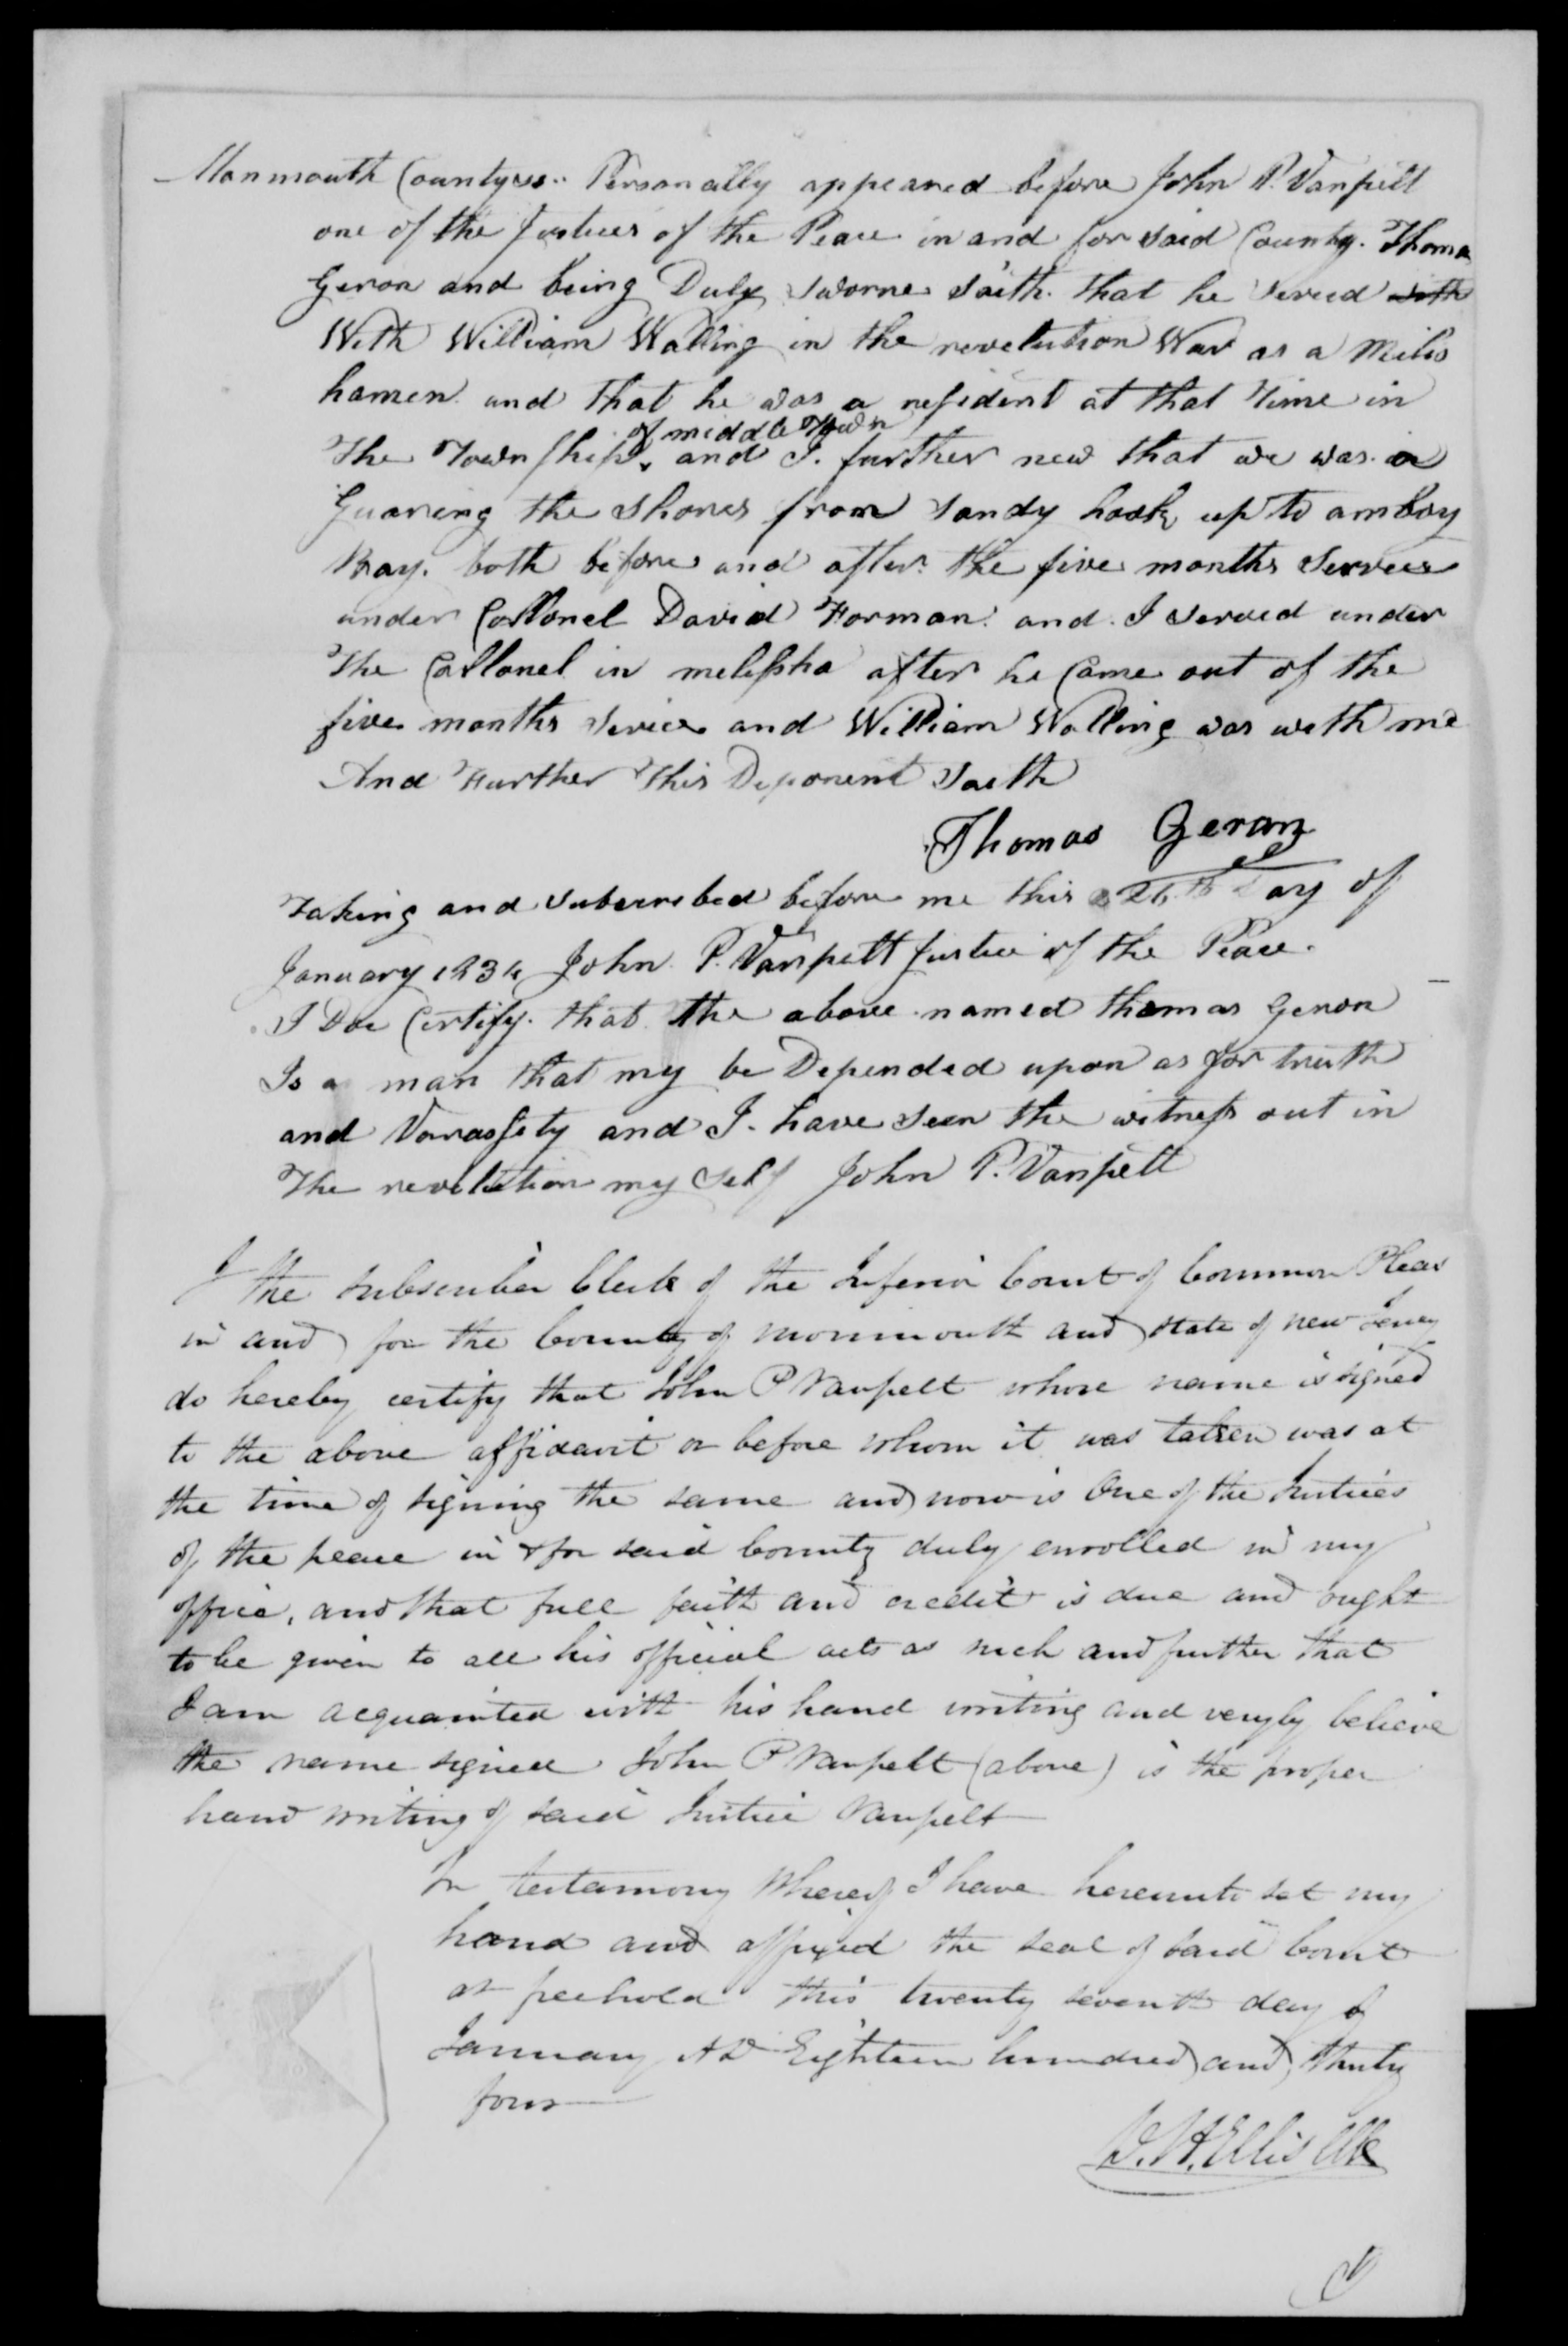Monmouth County, ss
Personally appeared before John P Vanpelt one of the Justices of the Peace in and for said County, Thomas Geron and being duly sworn saith that he served with William Walling in the Revolution War as a militiamen and that he was a resident at that time in the township of Middletown and I further knew that he was guarding the shores from Sandy Hook up to the Amboy Bay both before and after the five months served under Colonel David Forman and I served under the Colonel in the militia after he came out of the five months service and William Walling was with me and further this Deponent saith (signature) Thomas Heron

Taking and subscribed before me this 26th day of January 1834 John P Vanpelt Justice of the Peace. I do certify that the above named Thomas Geron is a man that may be depended upon as for saith and (illegible) and I have seen the witness out in the Revolution myself John P Vanpelt

I the subscriber Clerk of the Inferior Court of Common Pleas in and for the County of Monmouth and state of New Jersey do hereby certify that John P Vanpelt whose name is signed to the above affidavit on before whom it was taken was at the time of signing the same and now is one of the Justices of the Peace in and for said County duly enrolled in my office, and that full with and credit is due and ought to be give to all his official acts as such and further that I am acquainted with his hand writing and verily believe the name signed John P Vanpelt (above) is the proper hand writing of said Justice Vanpelt

In testimony therefor Ihave herewith set my hands nd affixed the seal of said Court of Freehold this twenty seventh day of January AD Eighteen hundred and thrity four (signature) D H Ellis, Clerk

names: John P Vanpelt, D H Ellis, David Forman, Thomas Geron, Thomas Genon, John P Vanpelt, John P Vanpelt, William Walling, Vanpelt, John P Vanpelt, Thomas Geron, John P Vanpelt, William Walling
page: 62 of 66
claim: widow's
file: W. 19588, William Walling, New Jersey